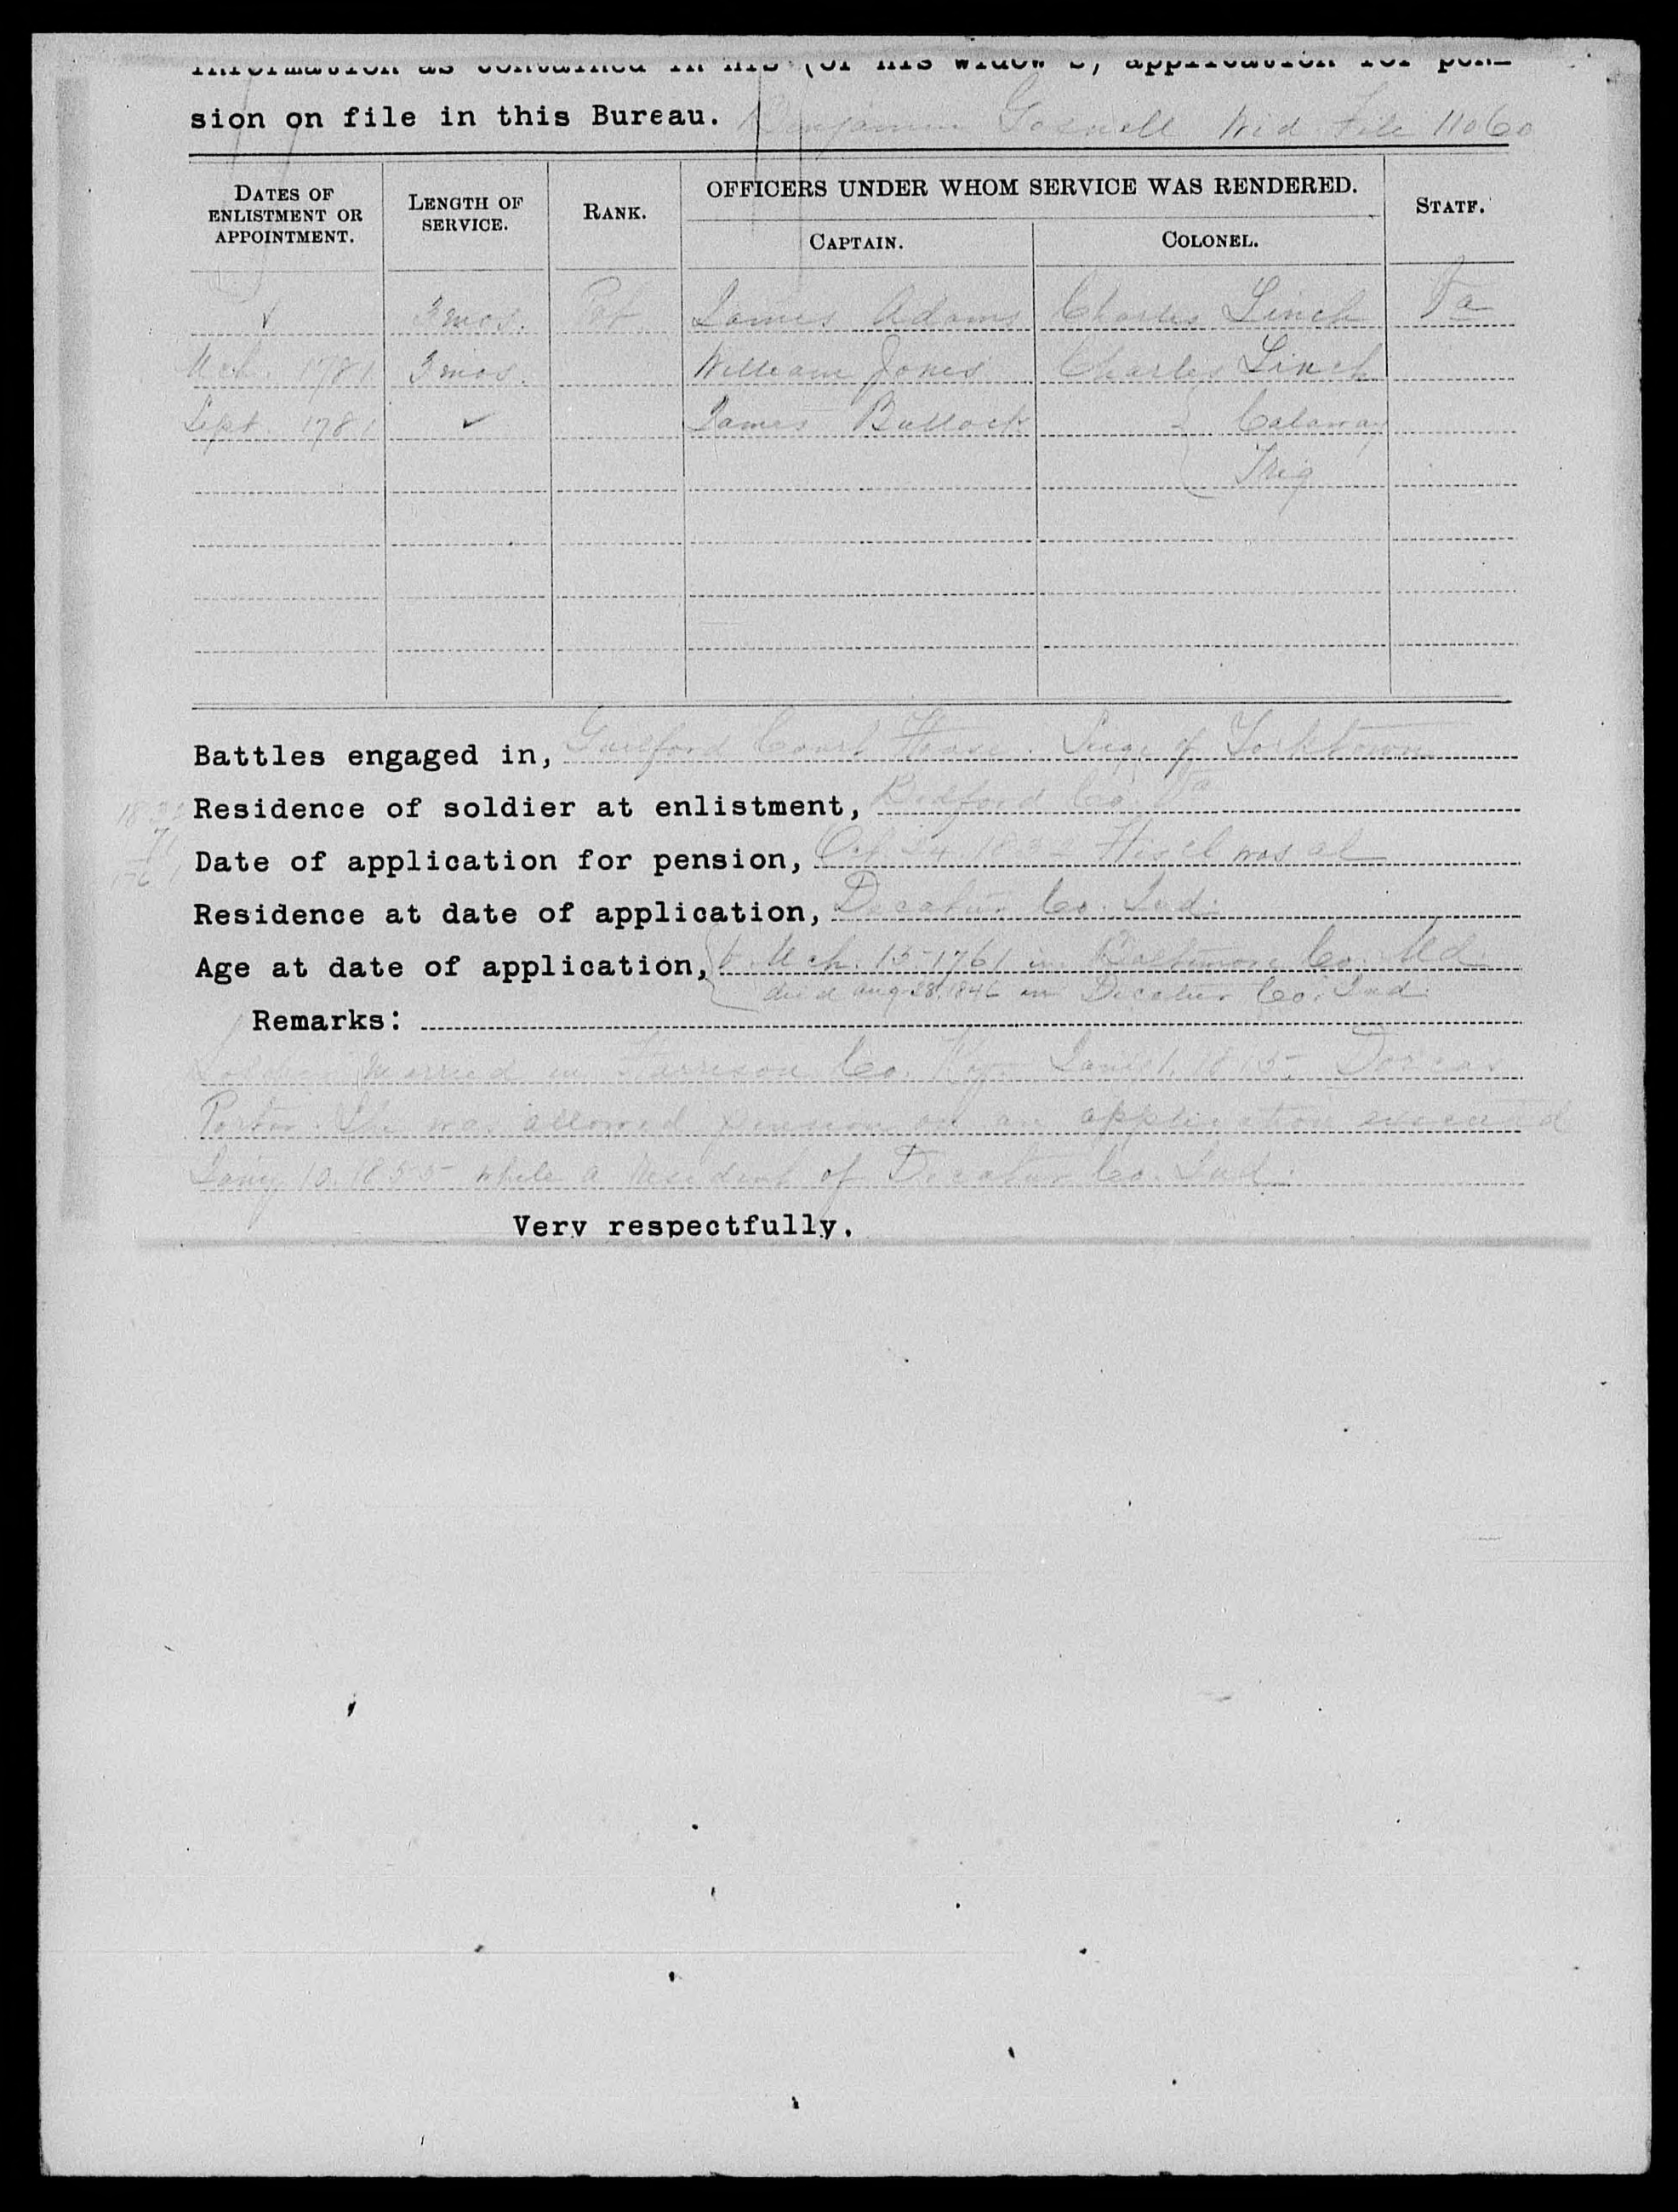[information as contained in his (or his widow's) application for pen]sion on file in this Bureau.

[list]
DATES OF ENLISTMENT OR APPOINTMENT.
Mch. 1781
Sept. 1781 |
LENGTH OF SERVICE. 
3 mos.
3 mos. |
RANK. 
Pvt. |
OFFICERS UNDER WHOM SERVICE WAS RENDERED.
CAPTAIN.
James Adams
William Jones
James Bullock |
COLONEL.
Charles Linch
Charles Linch
Calaway
Trig |
STATE.
Va
[end list]

Battles engaged in, Guilford Court House. Siege of Yorktown
Residence of soldier at enlistment, enlisted Bedford Co. Va
Date of application for pension, Oct. 24. 1832 His cl was al
Residence at date of application, Decatur Co. Ind.
Age at date of application, {b. Mch. 15 1761 in Baltimore Co. Md; died Aug 28. 1846 in Decatur Co. Ind.
Remarks: Soldier married in Harrison Co. Ky. Jany 1. 1815. Dorcas Porter. She was allowed pension on an application executed Jany 10. 1855 while a resident of Decatur Co. Ind.
Very Respectfully,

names: Charles Linch, James Bullock, William Jones, Calaway, Benjamin Gosnell, Frig, Charles Linch, Dorcas Porter, James Adams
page: 19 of 39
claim: widow's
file: W. 11060, Benjamin Gosnell, Va.